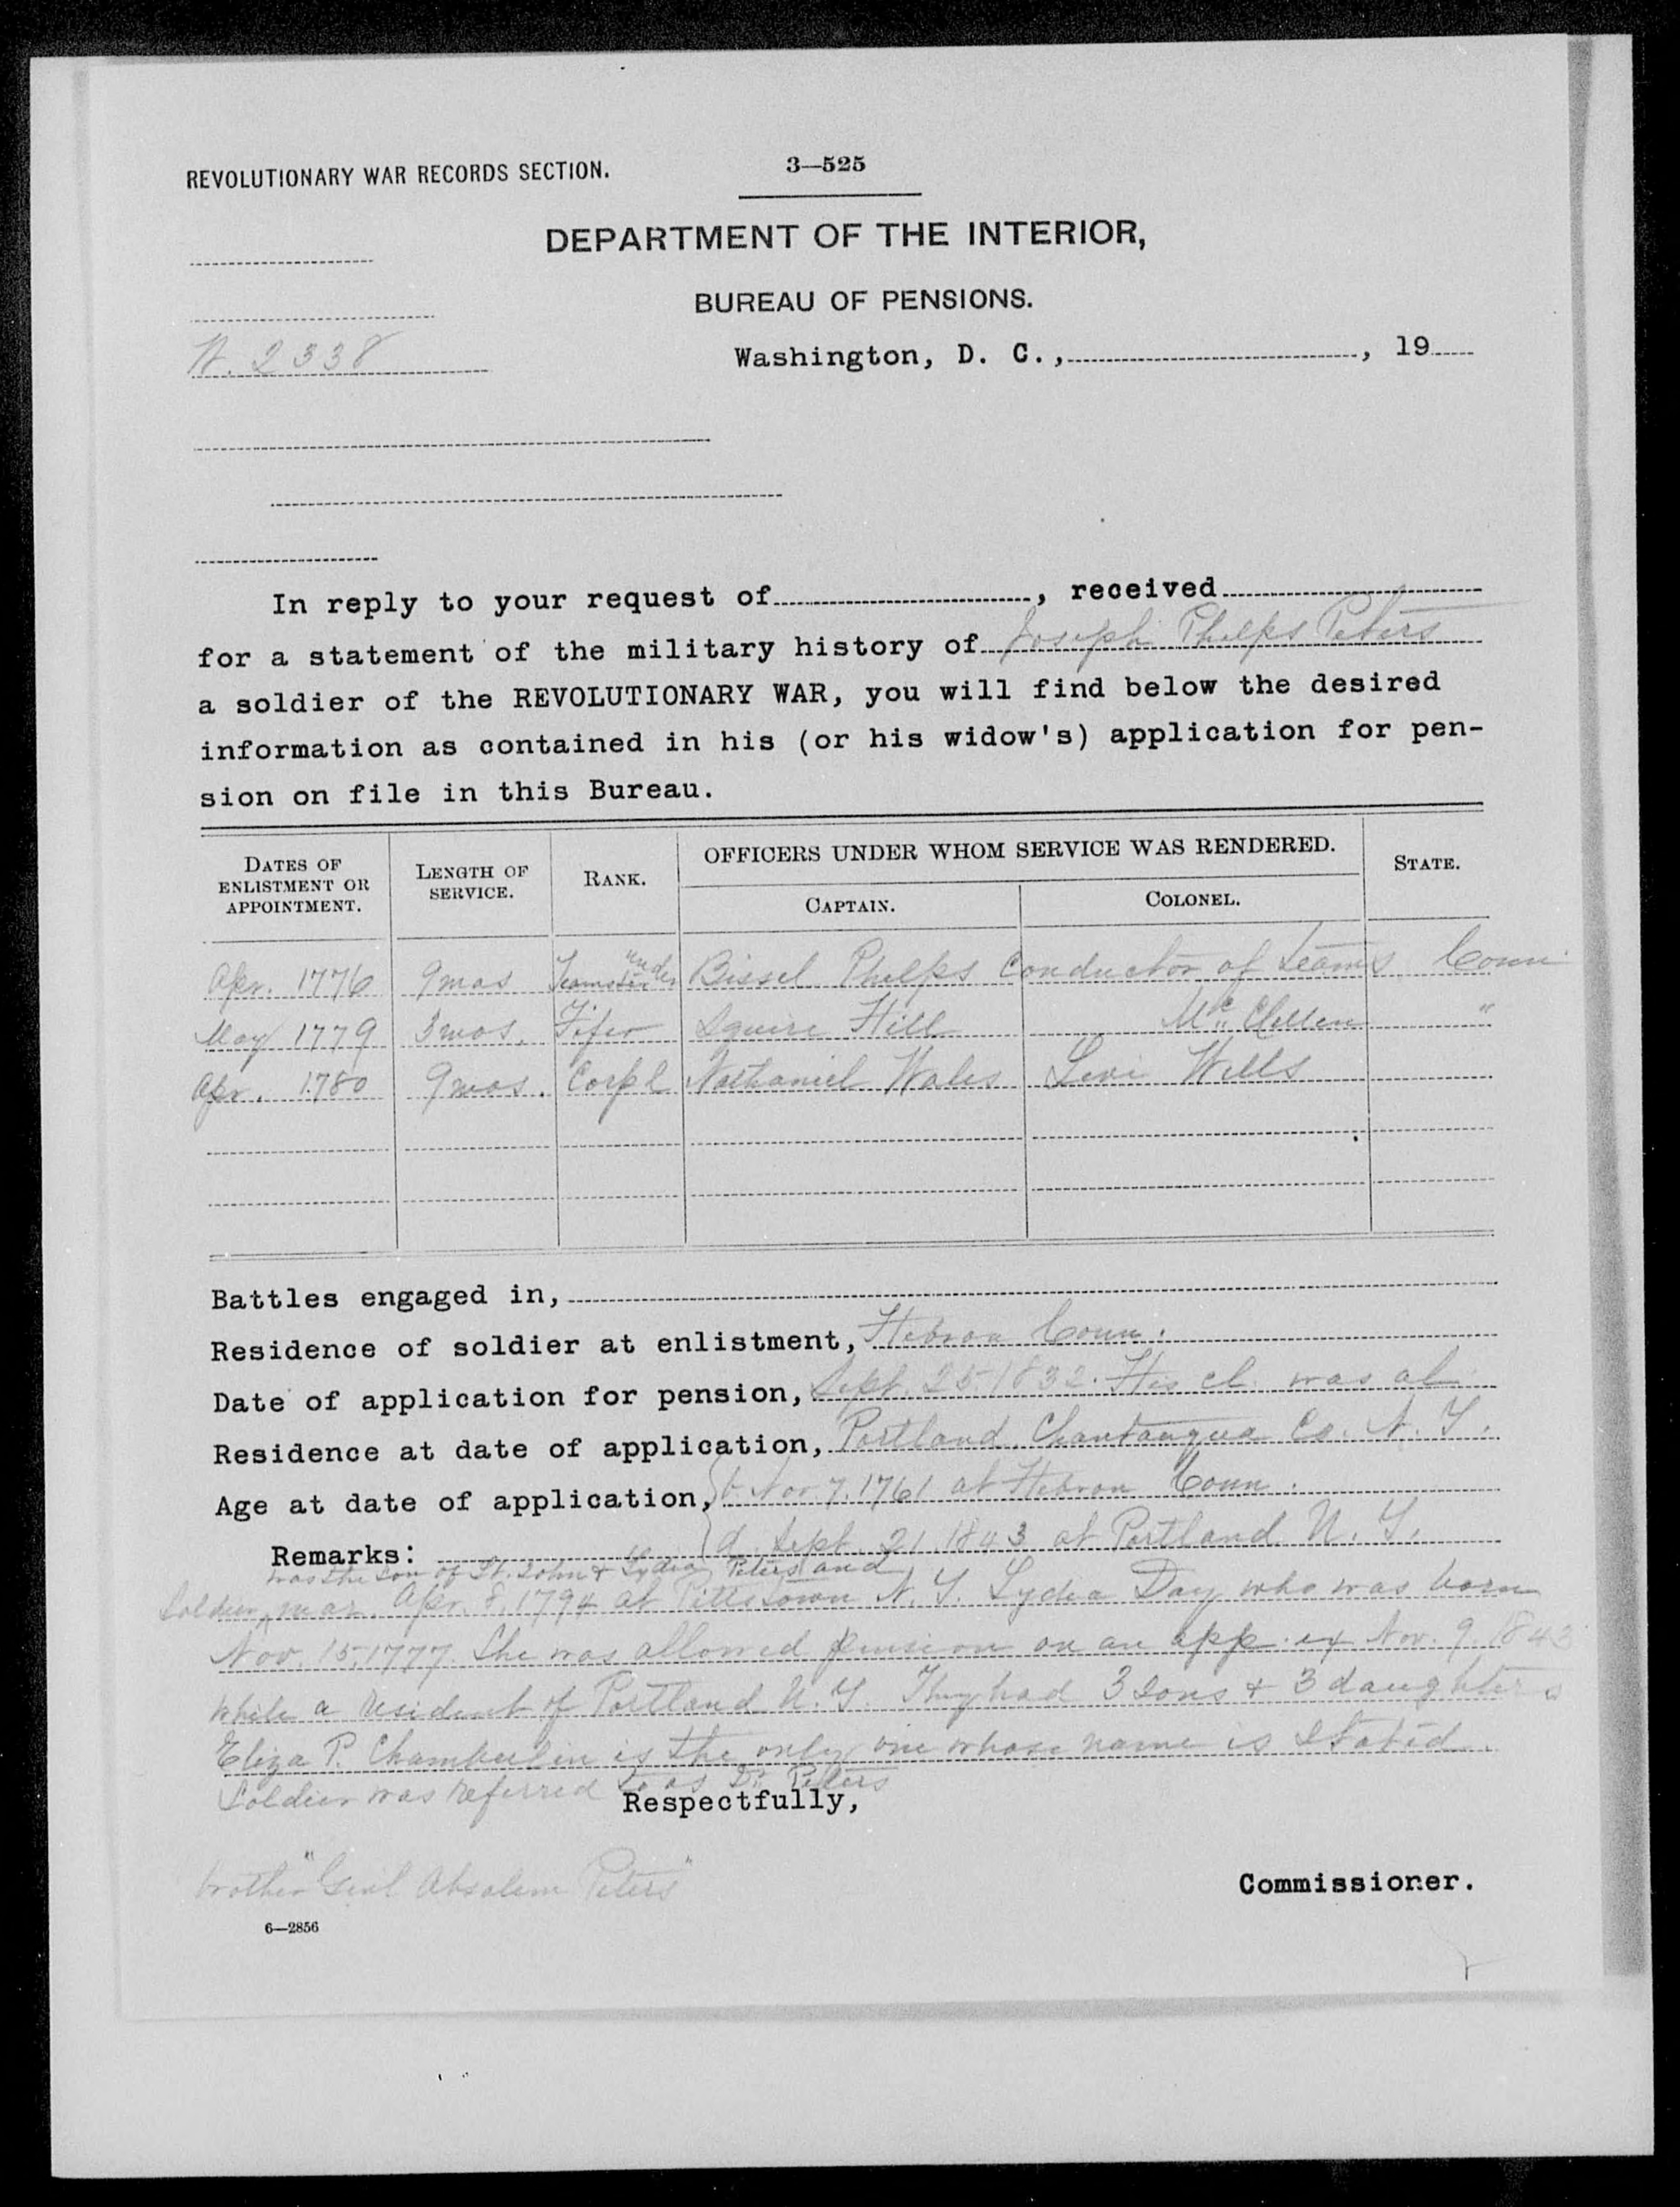REVOLUTIONARY WAR RECORDS SECTION.  3-525
DEPARTMENT OF THE INTERIOR,
BUREAU OF PENSIONS.
Washington, D. C.,  19
W. 2338
In reply to your request of - for a statement of the military history of Joseph Philps Peters
a soldier of the REVOLUTIONARY WAR, you will find below the desired information as contained in his (or his widow's) application for pension on file in this Bureau.
DATES OF ENLISTMENT OR APPOINTMENT.  Apr 1776   LENGTH OF SERVICE. 9 Mos.  
RANK.   Teamster   OFFICERS UNDER WHOM SERVICE WAS RENDERED. Under Bissel Phelps Conductor of teams   STATE. Conn.
DATES OF ENLISTMENT OR APPOINTMENT. May 1779   LENGTH OF SERVICE.  3 Mos  RANK.  Fifer   OFFICERS UNDER WHOM SERVICE WAS RENDERED.  Captain Squire Hill  Colonel McClellan    STATE.  Conn.
DATES OF ENLISTMENT OR APPOINTMENT.  Apr. 1780  LENGTH OF SERVICE.  9 Mos.   RANK.  Corporal   OFFICERS UNDER WHOM SERVICE WAS RENDERED.  Captain Nathaniel Hill  Colonel Levi Wells  STATE.  
Battles engaged in,  
Residence of soldier at enlistment, Hebron Conn.
Date of application for pension, Sept. 25th 1832.  His cl. was al. [his claim was allowed]
Residence at date of application, Portland Chautauqua Co. N.Y.
Age at date of application {b. [born] Nov 7 1761 at Hebron Conn. d. [died] Sept 21, 1843 at Portland N.Y. }
Soldier was the son of Lt. John & Lydia Peters and mar [married] Apr. 8 1794 at Pittstown N. Y. Lydia Day who was born Nov 15 1777.  She was allowed pension on an appl. ex. Nov 9 1843 while a resident of Portland N.Y. They had 3 sons & 3 daughters Eliza P. Chambers is the only one whose name is stated.  Soldier was referred to as Dr. Peters.  Brother “General Absalom Peters.”
Respectfully
Commissioner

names: Levi Wells; Squire Hill; [BLANK] Mc Clellen; Nathaniel Wales; Eliza P Chamberlin; Lydia Day; Absalom Peters; Joseph Phelps Peters; Bissel Phelps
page: 29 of 73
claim: widow's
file: W. 2338, for Joseph P Peters, Connecticut